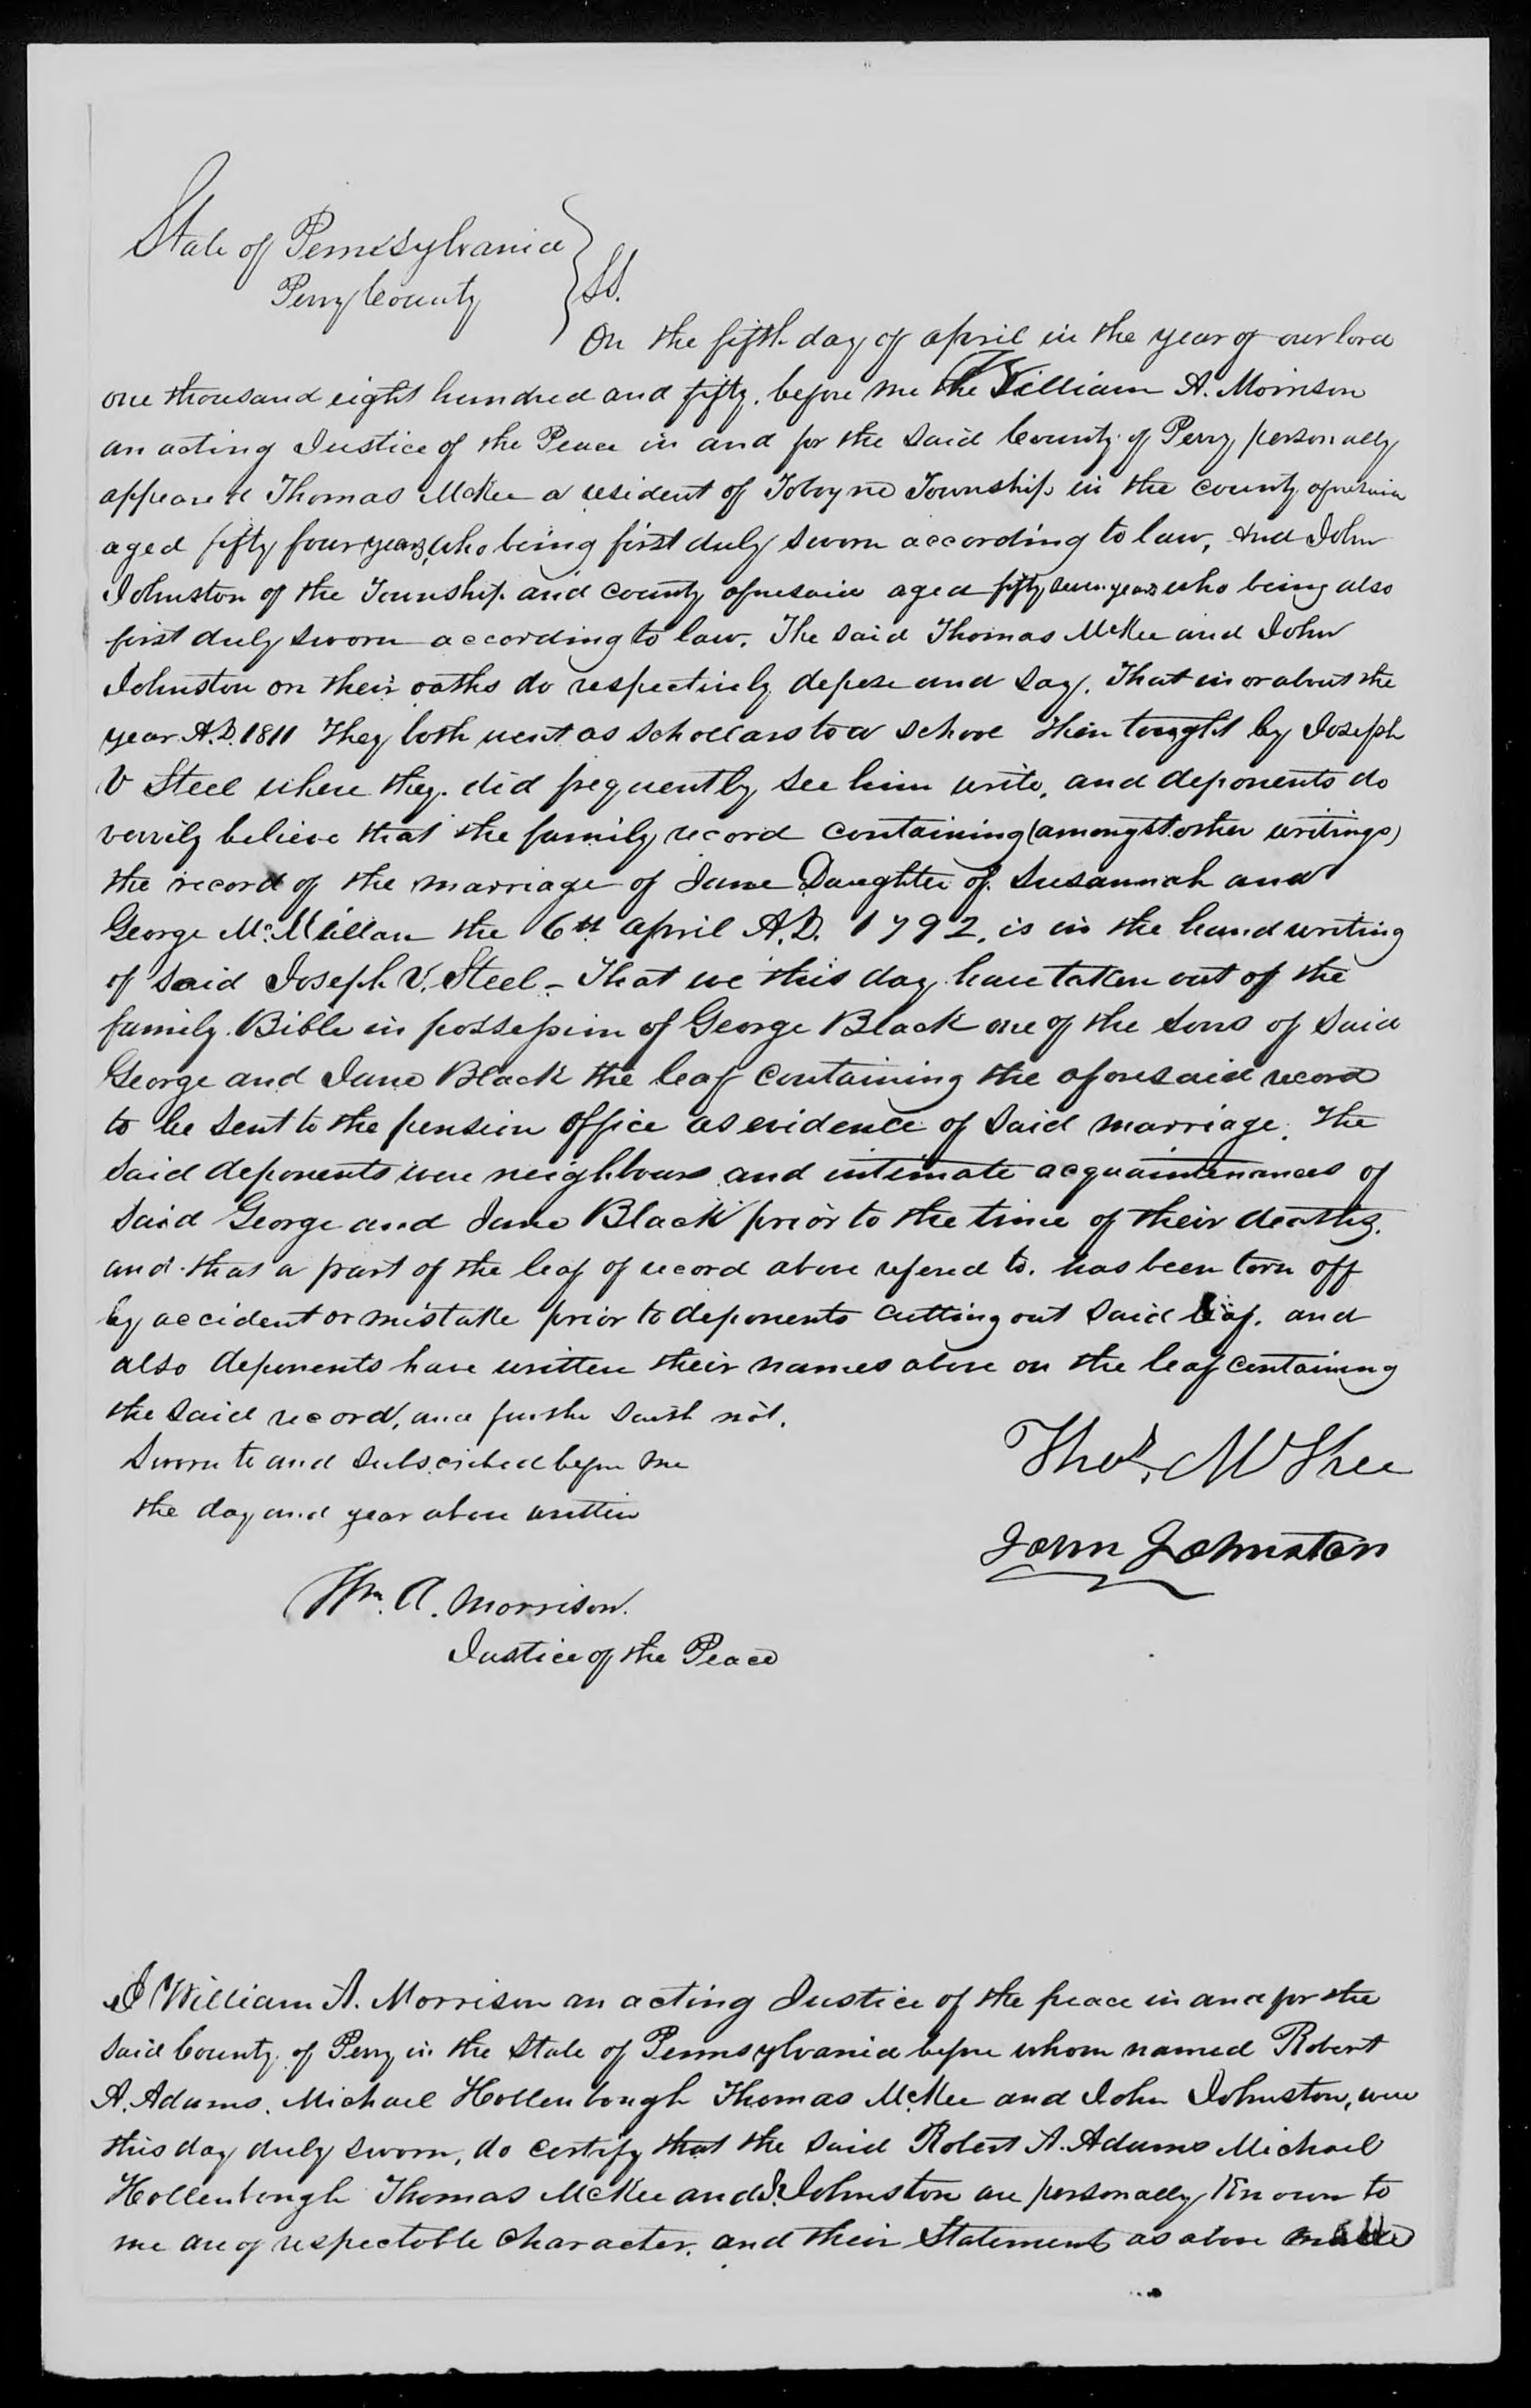State of Pennsylvania
Perry County
SS

On the fifth day of April in the year of our lord one thousand eight hundred and fifty before me the William A. Morrison an acting Justice of the Peace in and for the said County of Perry personally appeared Thomas McKee a resident of Toboyne Township in the county aforesaid aged fifty four years, who being first duly sworn according to law, and John Johnston on their oaths do respectively depose and say That in or about the year A. D. 1811 They both went as schollars to a school there taught by Joseph V Steel where they did frequently see him write and deponents do [illegible] believe that the family record containing (amongst other writings) the record of the marriage of Jane Daughter of Susannah and George McMillan the 6th April A. D. 1792 is in the handwriting of said Joseph V. Steel.  That we this day have taken out of the family bible in possession of George Black one of the sons of said George and Jane Black the leaf containing the aforesaid record to be sent to the pension office as evidence of said marriage.  The said deponents were neighbours and intimate acquaintances of said George and Jane Black prior to the time of their deaths. and that a part of the leaf of record above refered to has been torn off by accident or mistake prior to deponents cutting out said leaf and also deponents have written their names above the leaf containing the said record and further saith not.
Sworn to and Subscribed before on the day and year above written
Wm. A. Morrison.                 Thos. McKee
Justice of the Peace              John Johnston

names: Michael Hollenbough, J Johnston, Joseph V Steel, Thomas Mc Kee, John Johnston, Thos Mc Kee, Robert A Eadams, Thomas Mc Kee, George Black, Bible, Susannah Mc Millan, Robert A Adams, John Johnston, George Black, Thomas Mc Kee, Wm A Morrison, Thomas Mc Kee, Joseph V Steel, Jane Black, John Johnston, George Black, Jane Black, George Mc Millan, Jane, William A Morrison, William A Morrison, Michael Hollenbough, John Johnston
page: 28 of 30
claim: widow's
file: W. 3211, George Black, Penn.